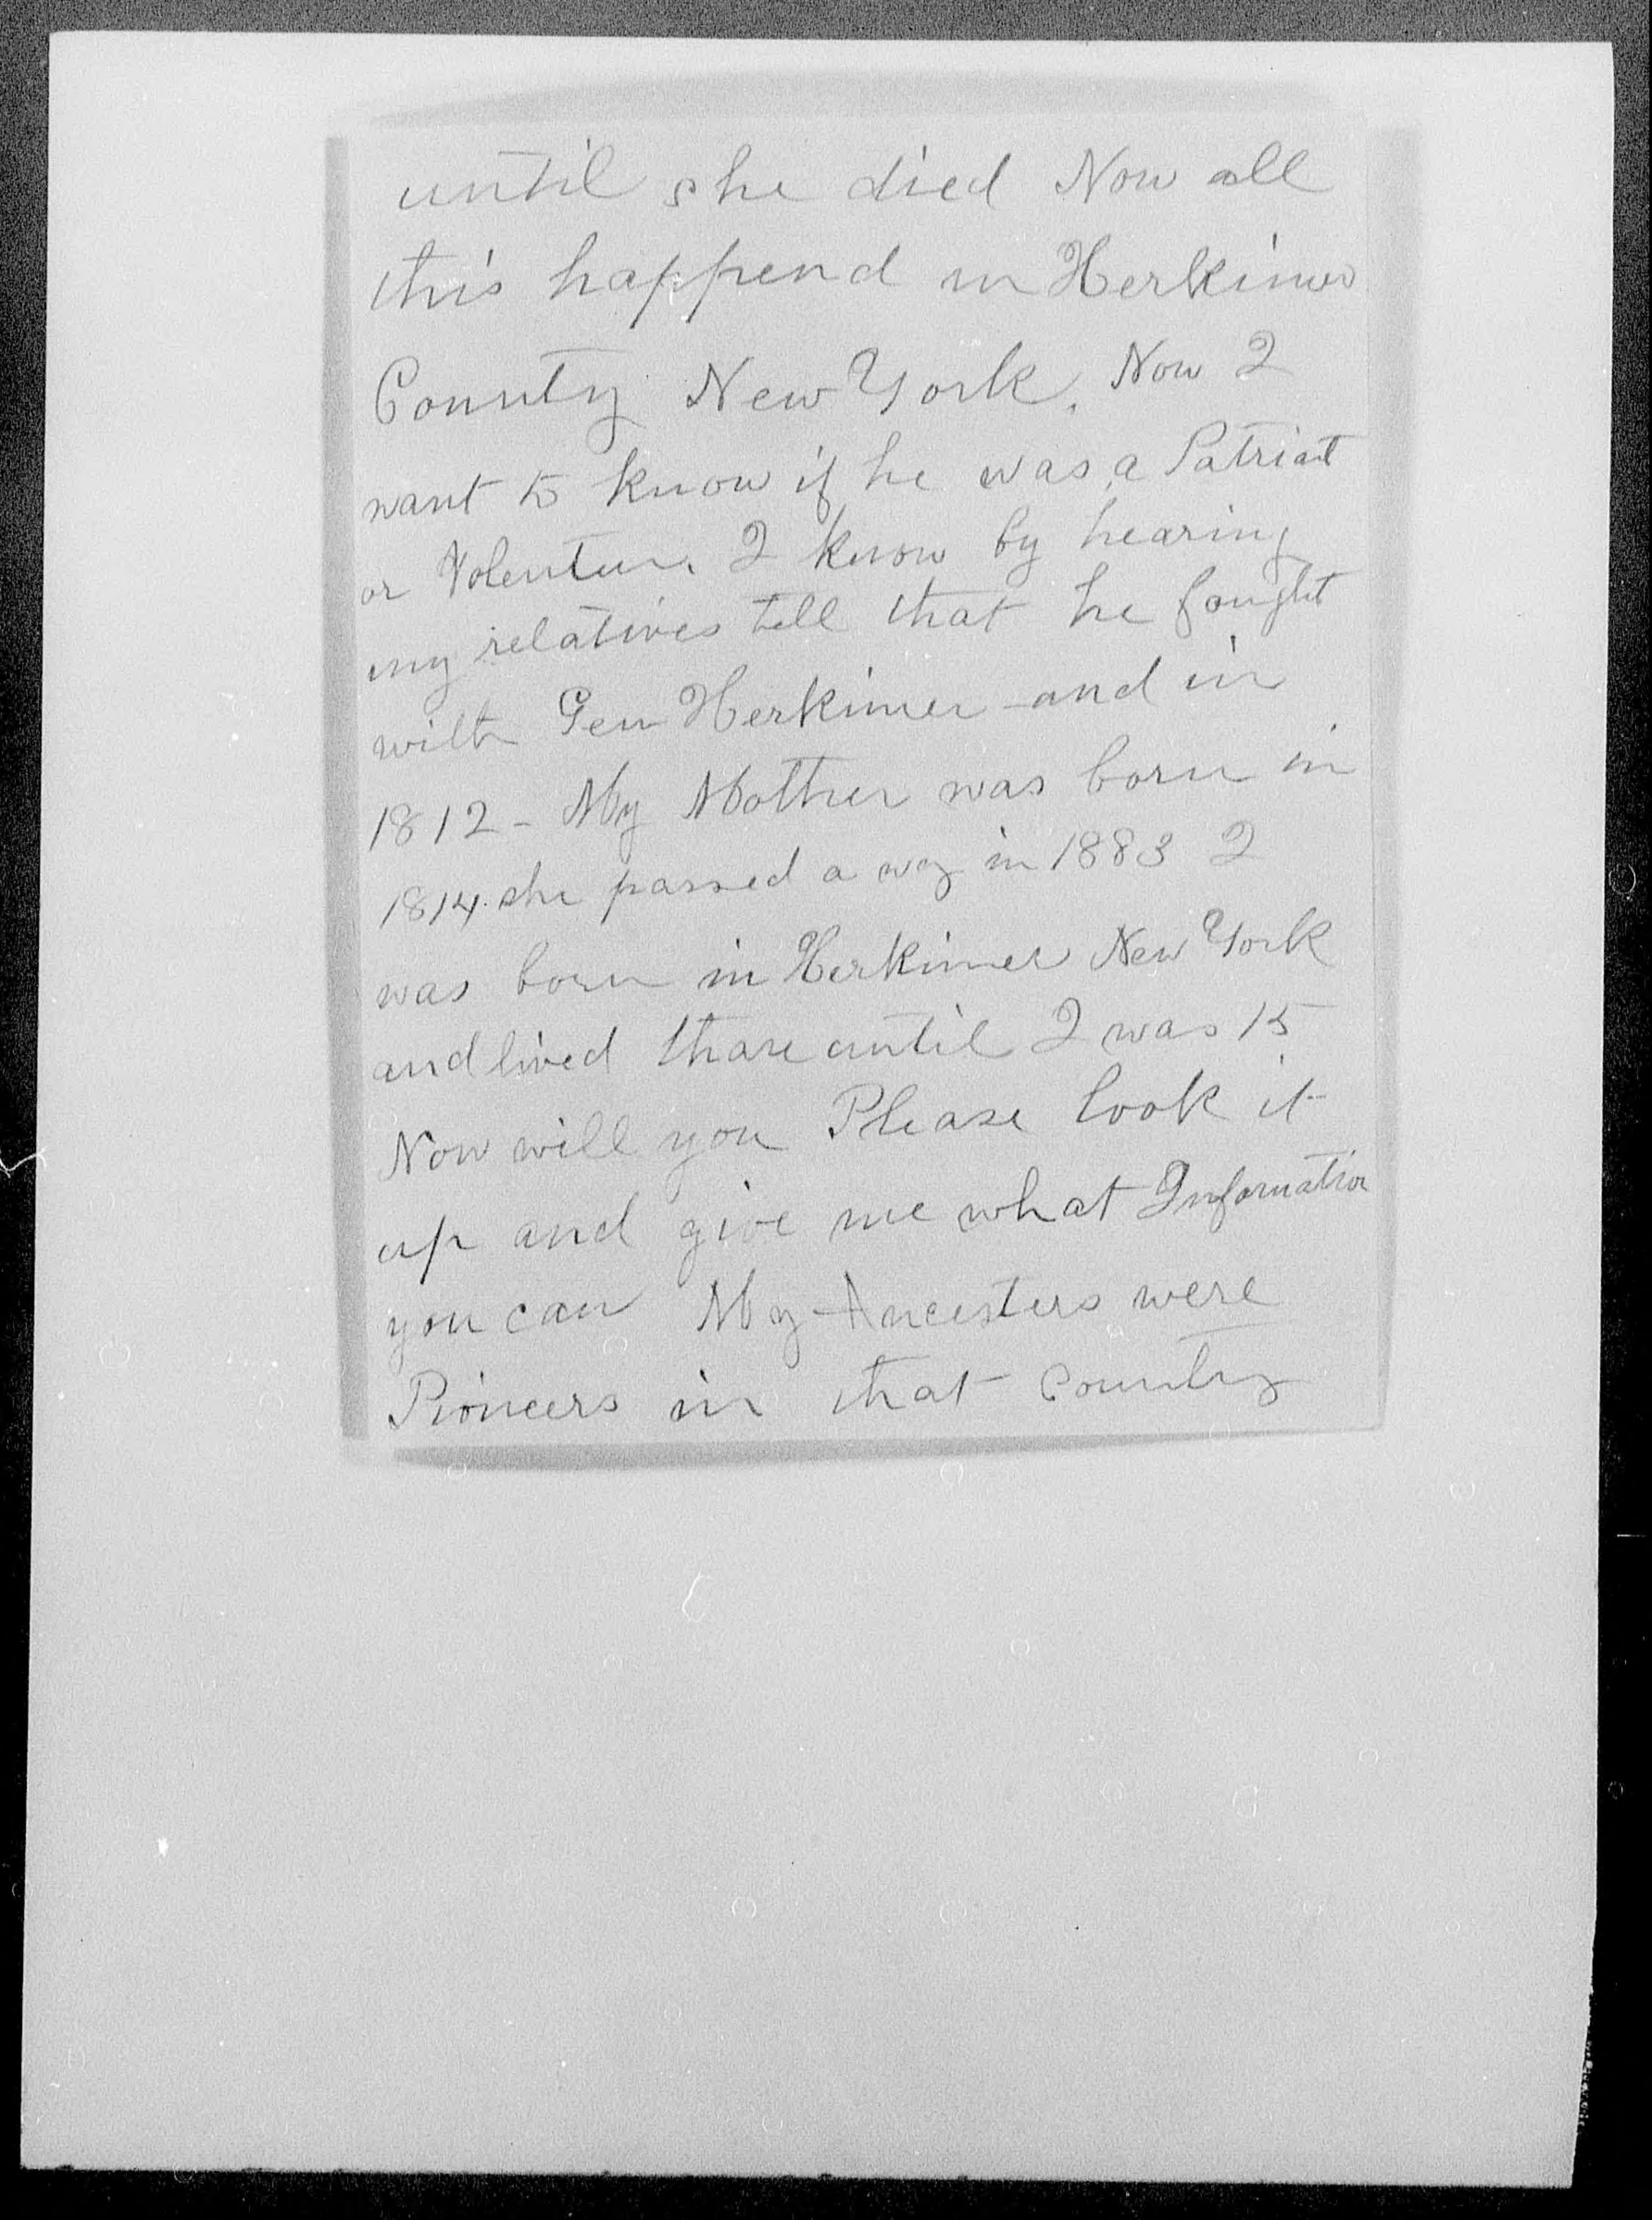until he died Now all this happened in Herkimer County New York. Now I want to know if he was a Patriot or Volenteer. I know by hearing my relatives tell that he fought with Gen Herkimer - and in 1812 - My Mother was born in 1814 she passed away in 1883  I was born in Herkimer New York and lived there until I was 15 Now will you Please look it up and give me what information you can My Ancesters were Pioneers in that Country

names: Patriat, Volentin, Herkimer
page: 60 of 66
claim: widow's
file: W. 6637, Richard Caslar, New York